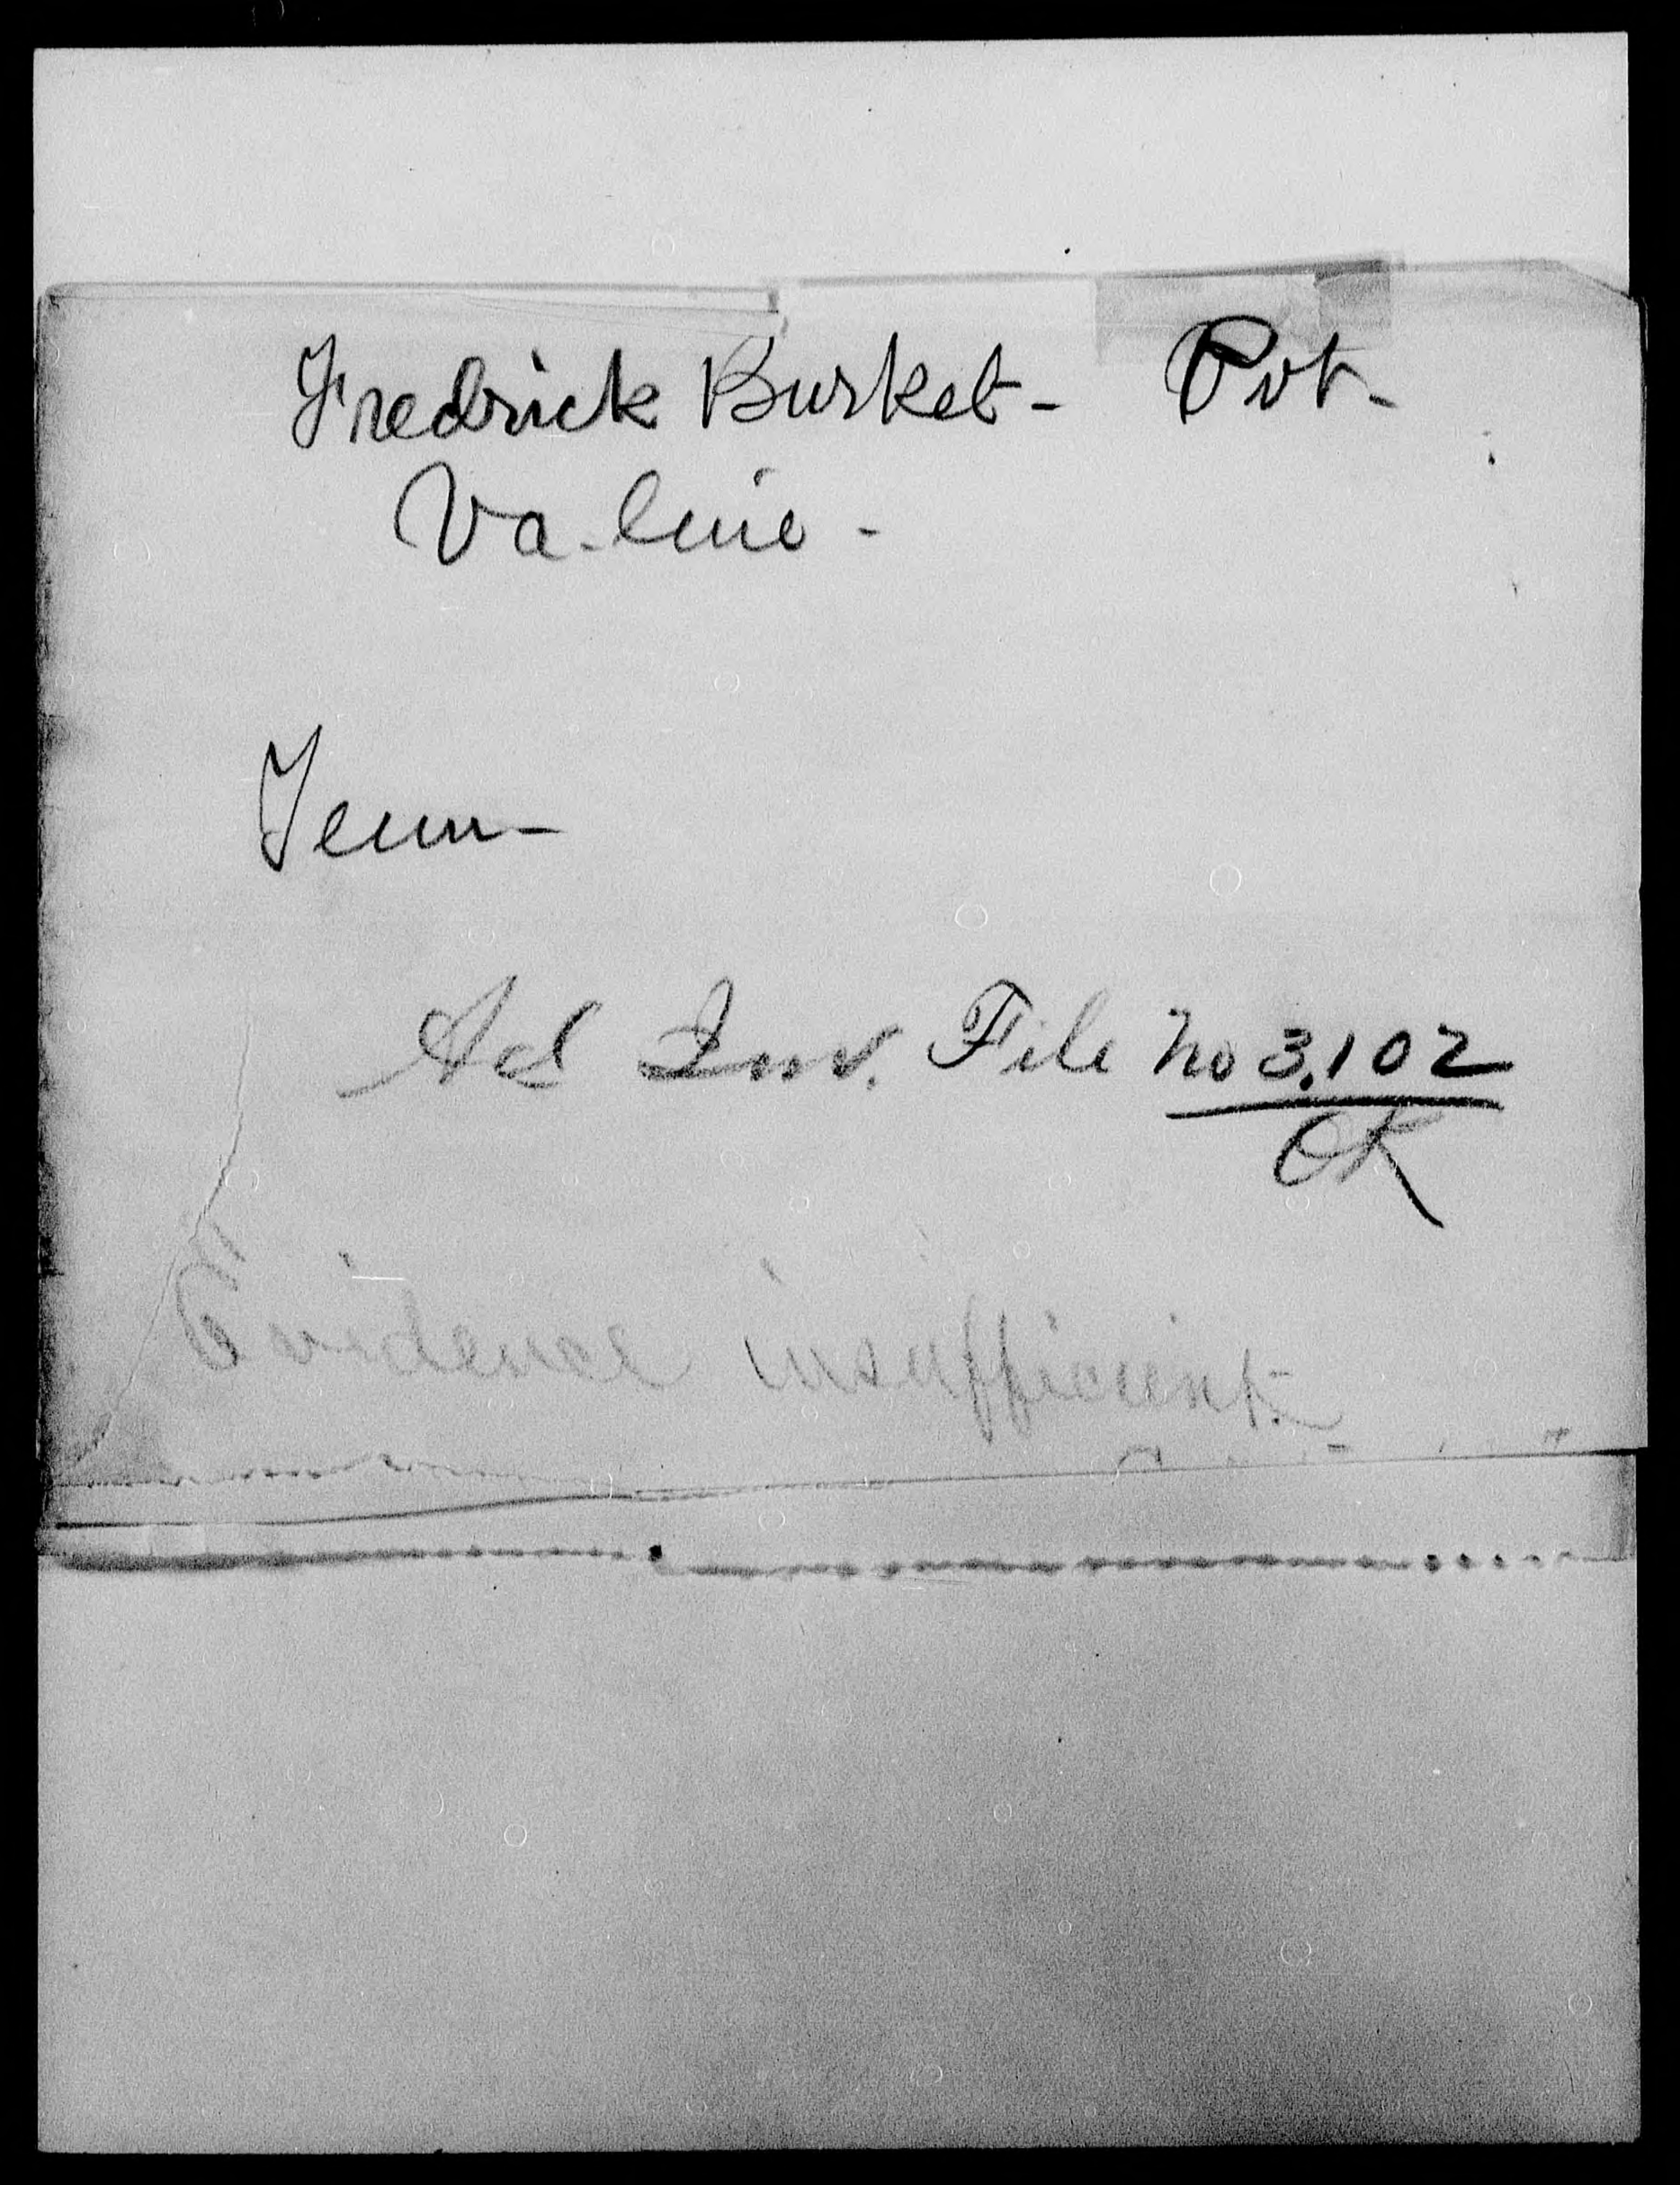Fredrick Burket – Pvt
Va. line.
Tenn-
Ad Inv File No 3.102
OK

Guidence (sic) insufficient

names: Fredrick Burket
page: 42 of 47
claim: survivor's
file: S. 3102, Frederick Burket, Va.